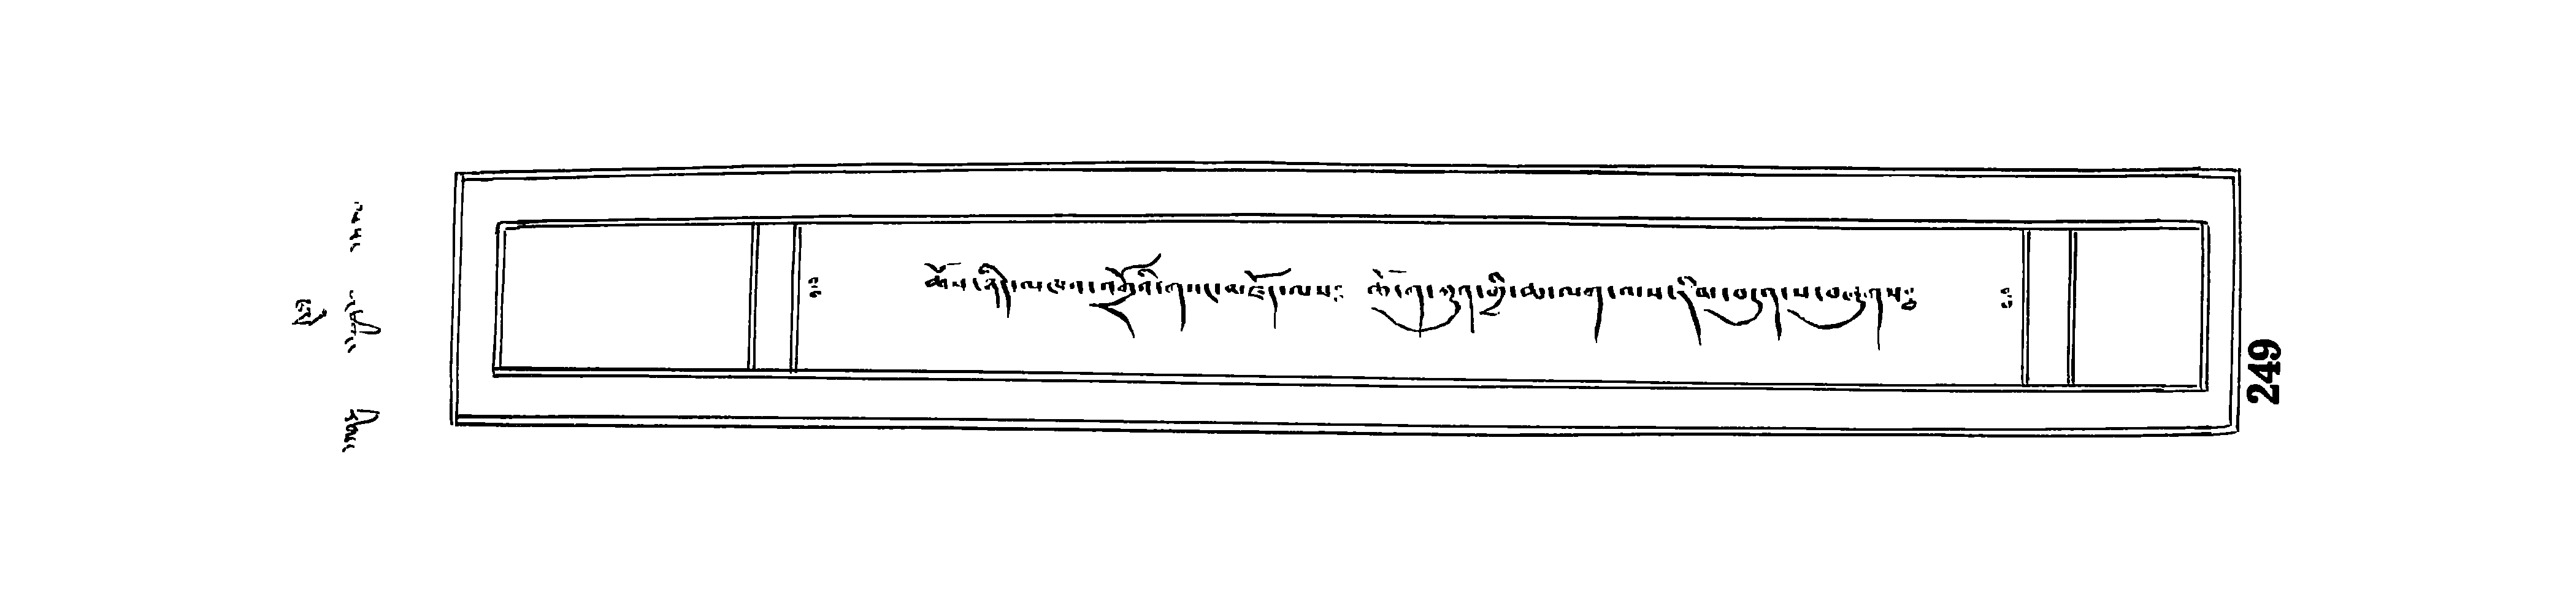༔ ཆོས་ཉིད་མཁའ་འགྲོའི་གསང་མཛོད་ལས༔ ཆོ་ག་ཀུན་གྱི་ཆ་ལག་ལས་རིམ་བདུན་པ་བཞུགས༔